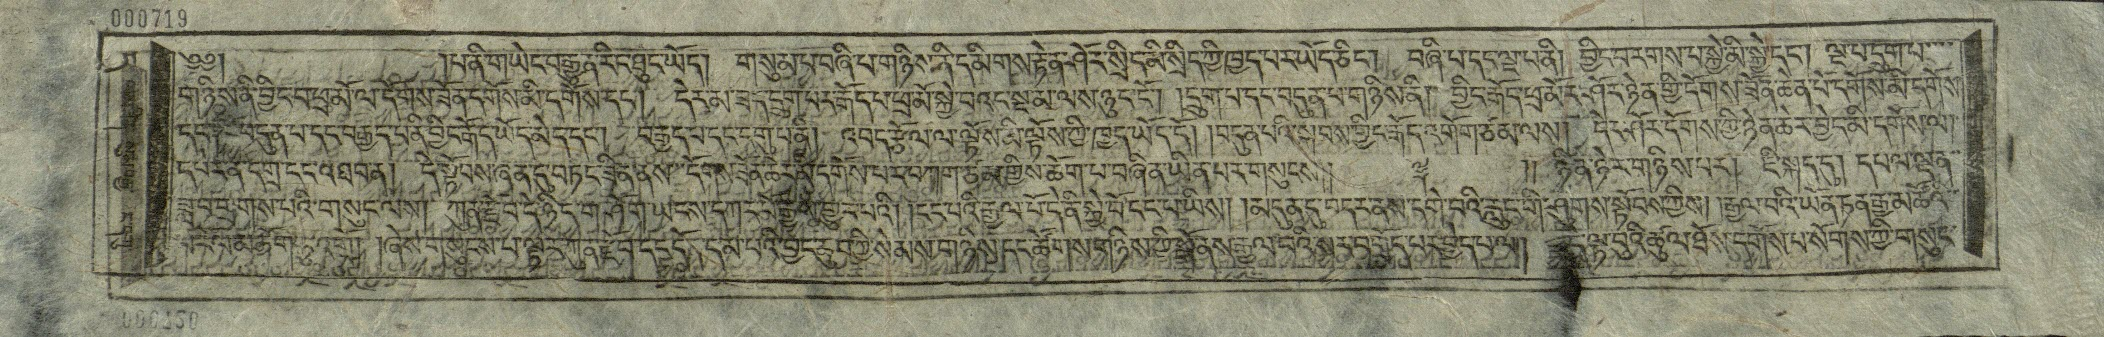༄༅། །པ་ནི་གཡེང་བ་རྒྱུན་རིང་ཐུང་ཡོད། གསུམ་པ་བཞི་པ་གཉིས་ནི་དམིགས་རྟེན་ཤོར་སྲིད་མི་སྲིད་ཀྱི་ཁྱད་པར་ཡོད་ཅིང་། བཞི་པ་དང་ལྔ་པ་ནི། བྱིང་བ་རགས་པ་སྐྱེ་མི་སྐྱེ་དང་། ལྔ་པ་དྲུག་པ་
གཉིས་ནི་བྱིང་བ་ཕྲ་མོ་ལ་དོགས་ཟོན་དགོས་མི་དགོས་དང་། དེར་མ་ཟད་དྲུག་པར་རྒོད་པ་ཕྲ་མོ་སྐྱེ་བའང་སྔ་མ་ལས་ཉུང་ངོ། །དྲུག་པ་དང་བདུན་པ་གཉིས་ནི། བྱིང་རྒོད་ཕྲ་མོར་ཤོར་ཉེན་གྱི་དོགས་ཟོན་ཆེན་པོ་དགོས་མི་དགོས་
དང༑ བདུན་པ་དང་བརྒྱད་པ་ནི་བྱིང་རྒོད་ཡོད་མེད་དང་། བརྒྱད་པ་དང་དགུ་པ་ནི། འབད་རྩོལ་ལ་ལྟོས་མི་ལྟོས་ཀྱི་ཁྱད་ཡོད་དོ། །བདུན་པའི་སྐབས་བྱིང་རྒོད་འགོག་ཙམ་ལས། དེར་ཤོར་དོགས་ཀྱི་ཉེན་ཆེར་བྱེད་མི་དགོས་ལ།
དཔེར་ན་དགྲ་དང་འཐབ་ན། དེ་སྟོབས་ཞན་དུ་བཏང་ཟིན་ནས་དོགས་ཟོན་ཆེར་མི་དགོས་པར་བཀག་ཙམ་གྱིས་ཆོག་པ་བཞིན་ཡིན་པར་གསུངས།། ༈ །།ཉིན་ཉེར་གཉིས་པར། ཇི་སྐད་དུ། དཔལ་ལྡན་
ཟླ་བ་གྲགས་པའི་གསུང་ལས། ཀུན་རྫོབ་དེ་ཉིད་གཤོག་ཡངས་དཀར་པོ་རྒྱས་གྱུར་པའི། །ངང་པའི་རྒྱལ་པོ་དེ་ནི་སྐྱེ་བོ་ངང་པ་ཡིས། །མདུན་དུ་བདར་ནས་དགེ་བའི་རླུང་གི་ཤུགས་སྟོབས་ཀྱིས། །རྒྱལ་བའི་ཡོན་ཏན་རྒྱ་མཚོའི་
ཕ་རོལ་མཆོག་ཏུ་འགྲོ། །ཞེས་གསུངས་པ་ལྟར་ཀུན་རྫོབ་དང་དོན་དམ་པའི་བྱང་ཆུབ་ཀྱི་སེམས་གཉིས་དང་ཚོགས་གཉིས་ཀྱི་སྒོ་ནས་རྒྱལ་བའི་སར་བགྲོད་པར་བྱེད་པ་ལ། དེ་ལྟ་བུའི་ཚུལ་ཐོས་དགོས་པ་སོགས་ཀྱི་གསུང་